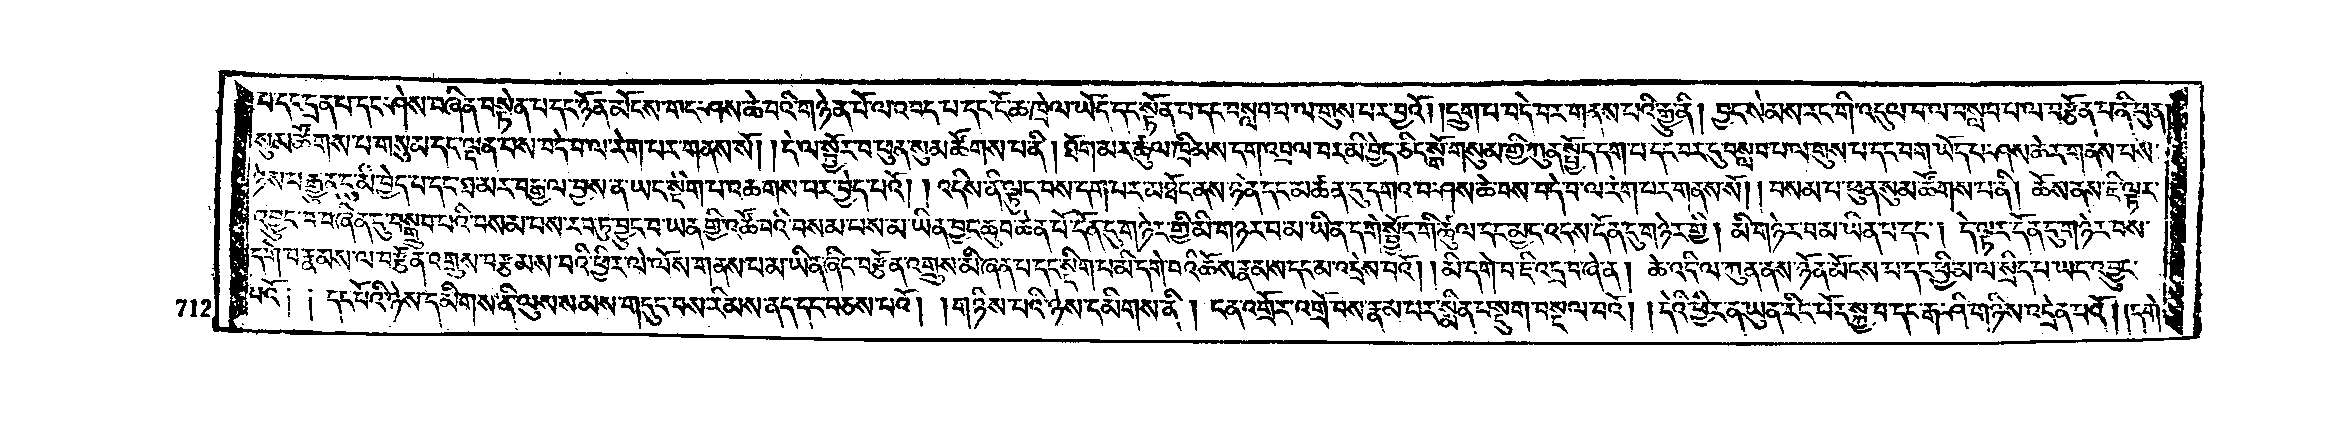པ་དང་དྲན་པ་དང་ཤེས་བཞིན་བསྟེན་པ་དང་ཉོན་མོངས་གང་ཤས་ཆེ་བའི་གཉེན་པོ་ལ་འབད་པ་དང་ངོ་ཚ་ཁྲེལ་ཡོད་དང་སྟོན་པ་དང་བསླབ་པ་ལ་གུས་པར་བྱའོ། །དྲུག་པ་བདེ་བར་གནས་པའི་རྒྱུ་ནི། བྱང་སེམས་རང་གི་འདུལ་བ་ལ་བསླབ་པ་ལ་བརྩོན་པ་ནི་ཕུན་
སུམ་ཚོགས་པ་གསུམ་དང་ལྡན་པས་བདེ་བ་ལ་རེག་པར་གནས་སོ། །དེ་ལ་སྦྱོར་བ་ཕུན་སུམ་ཚོགས་པ་ནི། ཐོག་མར་ཚུལ་ཁྲིམས་དག་འབྲལ་བར་མི་བྱེད་ཅིང་སྒོ་གསུམ་གྱི་ཀུན་སྤྱོད་དག་པ་དང་བར་དུ་བསླབ་པ་ལ་གུས་པ་དང་བག་ཡོད་པ་ཤས་ཆེར་གནས་པས་
ཉེས་པ་རྒྱུན་དུ་མི་བྱེད་པ་དང་ཐ་མར་བརྒྱ་ལ་བྱས་ན་ཡང་སྡིག་པ་འཆགས་པར་བྱེད་པའོ། །འདིས་ནི་ལྟུང་བས་དག་པར་མཐོང་ནས་ཉེན་དང་མཚན་དུ་དགའ་བ་ཤས་ཆེ་བས་བདེ་བ་ལ་རེག་པར་གནས་སོ། །བསམ་པ་ཕུན་སུམ་ཚོགས་པ་ནི། ཆོས་ནས་ཇི་ལྟར་
འབྱུང་བ་བཞིན་དུ་བསྒྲུབ་པའི་བསམ་པས་རབ་ཏུ་བྱུང་བ་ཡན་གྱི་འཚོ་བའི་བསམ་པས་མ་ཡིན་བྱང་ཆུབ་ཆེན་པོ་དོན་དུ་གཉེར་གྱི་མི་གཉར་པ་མ་ཡིན་དགེ་སྦྱོང་གི་ཚུལ་དང་མྱང་འདས་དོན་དུ་གཉེར་གྱི། མི་གཉེར་བ་མ་ཡིན་པ་དང་། དེ་ལྟར་དོན་དུ་གཉེར་བས་
དགེ་བ་རྣམས་ལ་བརྩོན་འགྲུས་བརྩམས་པའི་ཕྱིར་ལེ་ལོས་གནས་པ་མ་ཡིན་ཞིང་བརྩོན་འགྲུས་མི་ཞན་པ་དང་སྡིག་པ་མི་དགེ་བའི་ཆོས་རྣམས་དང་མ་འདྲེས་པའོ། །མི་དགེ་བ་ཇི་འདྲ་བ་ཞེ་ན། ཚེ་འདི་ལ་ཀུན་ནས་ཉོན་མོངས་པ་དང་ཕྱི་མ་ལ་སྲིད་པ་ལ་ཡང་འབྱུང་
པའོ༑ ༑དང་པོའི་ཉེས་དམིགས་ནི་ལུས་སེམས་གདུང་བས་རིམས་ནད་དང་བཅས་པའོ། །གཉིས་པའི་ཉེས་དམིགས་ནི། ངན་འགྲོར་འགྲོ་བས་རྣམ་པར་སྨིན་པ་སྡུག་བསྔལ་བའོ། །དེའི་ཕྱིར་ན་ཡུན་རིང་པོར་སྐྱེ་བ་དང་རྒ་ཤི་གཉིས་འདྲེན་པའོ། །དགེ་